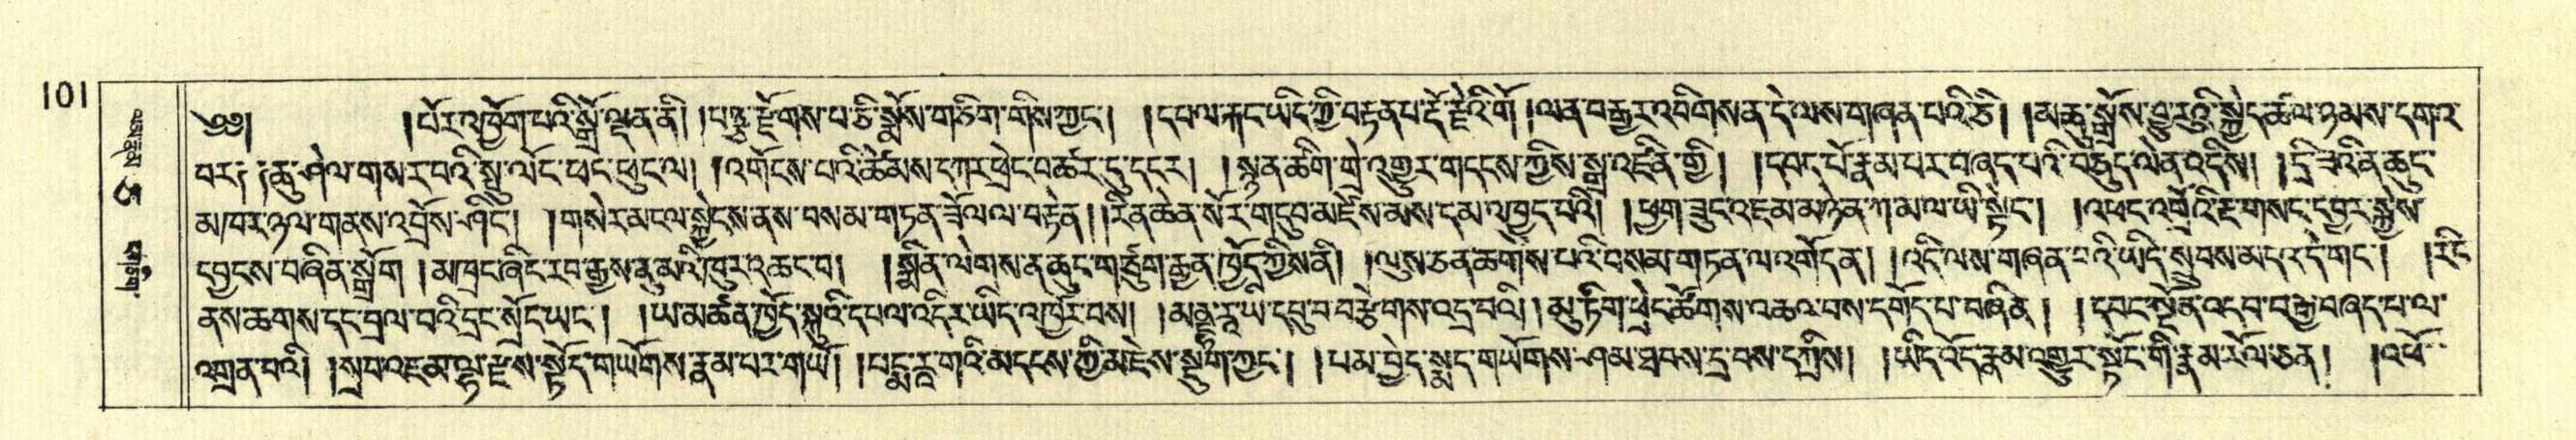༄༅། །པོར་འཁྱོག་པའི་སྒྲོ་ལྡན་ནི། །པཉྩ་རྫོགས་པ་ཅི་སྨོས་གཅིག་གིས་ཀྱང་། །དཔལ་རྐང་ཡིད་ཀྱི་བརྟན་པ་རྡོ་རྗེའི་གོ །ལན་བརྒྱར་འབིགས་ན་དེ་ལས་གཞན་པའི་ཅི། །མཆུ་སྒྲོས་བྱུ་རུའི་སྐྱེད་ཚལ་ཉམས་དགའ་
བར༑ ༑ཆུ་ཤེལ་གསར་བའི་སྤུ་ལོང་ཕང་ཕུང་ལ། །འགོངས་པའི་ཚེམས་དཀར་ཕྲེང་བ་ཚར་དུ་དངར། །སྙན་ཚིག་གྲེ་འགྱུར་གདངས་ཀྱིས་སྒྲ་འཛིན་གྱི། །དབང་པོ་རྣམ་པར་བཞད་པའི་བཅུད་ལེན་འདིས། །དྲི་ཟའི་ན་ཆུང་
མཁར་ཉལ་གནས་འབྲོས་ཤིང་། །གསེར་མངལ་སྐྱེངས་ནས་བསམ་གཏན་ཟོལ་ལ་བརྟེན། །རིན་ཆེན་སོར་གདུབ་མཛེས་མས་དམ་འཁྱུད་པའི། །ཕྱག་ཟུང་འཇམ་མཉེན་ཀ་མ་ལ་ཡི་སྟེང་། །འཕང་འགྲོའི་རྔ་གསང་དབྱར་སྐྱེས་
དབྱངས་བཞིན་སྒྲོག །མཁྲང་ཞིང་རབ་རྒྱས་ནུ་མའི་ཁུར་འཆང་བ། །སྨིན་ལེགས་ན་ཆུང་གཙུག་རྒྱན་ཁྱོད་ཀྱིས་ནི། །ལུས་ཅན་ཆགས་པའི་བསམ་གཏན་ལ་འགོད་ན། །འདི་ལས་གཞན་པའི་ཡིད་སྲུབས་མདའ་དེ་གང་། །རིང་
ནས་ཆགས་དང་བྲལ་བའི་དྲང་སྲོང་ཡང་། །ཡ་མཚན་ཁྱོད་སྐུའི་དཔལ་འདིར་ཡིད་འཁྱོར་བས། །མནྡྷ་རཱ་ཡི་དབུ་བ་བརྩེགས་འདྲ་བའི། །མུ་ཏིག་ཕྲེང་ཚོགས་འཆའ་བས་དགོད་པ་བཞིན། །དབང་སྔོན་འདབ་བརྒྱ་བཞད་པ་ལ་
འགྲན་པའི། །སྲབ་འཇམ་ལྷ་རྫས་སྟོད་གཡོགས་རྣམ་པར་གཡོ། །པདམ་རཱ་གའི་མདངས་ཀྱི་མ་ཇེས་སྡུག་ཀྱང་། །པམ་བྱེད་སྨད་གཡོགས་ཤམ་ཐབས་དྲ་བས་དཀྲིས། །ཡིད་འོད་རྣམ་འགྱུར་སྟོང་གི་རྣམ་རོལ་ཅན། །འཕོ་